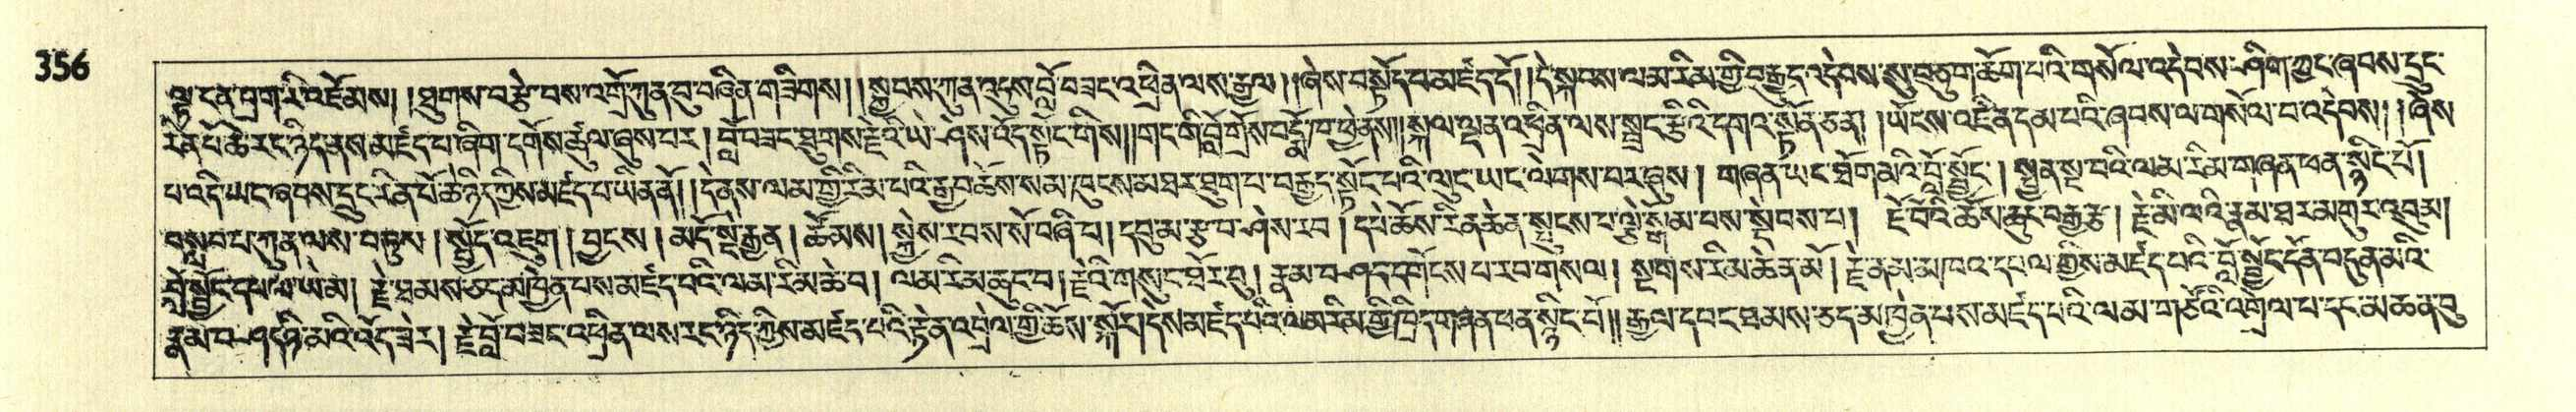ལྟ་ངན་བྲག་རི་འཇོམས། །ཐུགས་བརྩེ་བས་འགྲོ་ཀུན་བུ་བཞིན་གཟིགས། །སྐྱབས་ཀུན་འདུས་བློ་བཟང་འཕྲིན་ལས་རྒྱལ། །ཞེས་བསྟོད་བ་མཛད་དོ། །དེ་སྐབས་ལམ་རིམ་གྱི་བརྒྱུད་འདེབས་སུ་བཅུག་ཆོག་པའི་གསོལ་འདེབས་ཤིག་ཀྱང་ཞབས་དྲུང་
རིན་པོ་ཆེ་རང་ཉིད་ནས་མཛད་པ་ཞིག་དགོས་ཚུལ་ཞུས་པར། བློ་བཟང་ཐུགས་རྗེའི་ཡེ་ཤེས་འོད་སྟོང་གིས། །གང་གི་བློ་གྲོས་པདམོ་ཁ་ཕྱེ་ནས། །སྐལ་ལྡན་འཕྲིན་ལས་སྦྲང་རྩིའི་དགའ་སྟོན་ཅན། །ཡོངས་འཛིན་དམ་པའི་ཞབས་ལ་གསོལ་བ་འདེབས། །ཞེས་
པ་འདི་ཡང་ཞབས་དྲུང་རིན་པོ་ཆེ་ཉིད་ཀྱིས་མཛད་པ་ཡིན་ནོ། །དེ་ནས་ལམ་གྱི་རིམ་པའི་རྒྱབ་ཆོས་སམ་ཁུངས་མཐར་ཐུག་པ་བརྒྱད་སྟོང་པའི་ལུང་ཡང་ལེགས་པར་ཞུས། གཞན་ཡང་ཐོག་མའི་བློ་སྦྱོང་། སྤྱན་སྔ་བའི་ལམ་རིམ་གཞན་ཕན་སྙིང་པོ།
བསླབ་པ་ཀུན་ལས་བཏུས། སྦྱོད་འཇུག། བྱངས། མདོ་སྡེ་རྒྱན། ཚོམས། སྐྱེས་རབས་སོ་བཞི་པ། དབུ་མ་རྩ་བ་ཤེས་རབ། དཔེ་ཆོས་རིན་ཆེན་སྤུངས་པ་ལྕེ་སྒོམ་པས་སྡེབས་པ། ཇོ་བོའི་ཆོས་ཆུང་བརྒྱ་རྩ། རྗེ་མི་ལའི་རྣམ་ཐར་མགུར་འབུམ།
བློ་སྦྱོང་དཔལ་ཡེ་མ། རྗེ་ཐམས་ཅད་མཁྱེན་པས་མཛད་པའི་ལམ་རིམ་ཆེ་བ། ལམ་རིམ་ཆུང་བ། རྗེའི་གསུང་ཐོར་བུ། རྣམ་བཤད་དགོངས་པ་རབ་གསལ། སྔགས་རིམ་ཆེན་མོ། རྗེ་ནམ་མཁའ་དཔལ་གྱིས་མཛད་པའི་བློ་སྦྱོང་དོན་བདུན་མའི་
རྣམ་བཤད་ཉི་མའི་འོད་ཟེར། རྗེ་བློ་བཟང་འཕྲིན་ལས་རང་ཉིད་ཀྱིས་མཛད་པའི་རྟེན་འབྲེལ་གྱི་ཆོས་སྐོར། དེས་མཛད་པའི་ལམ་རིམ་གྱི་ཁྲིད་གཞན་ཕན་སྙིང་པོ། །རྒྱལ་དབང་ཐམས་ཅད་མཁྱེན་པས་མཛད་པའི་ལམ་གཙོའི་འགྲེལ་པ་དང་མཆན་བུ་